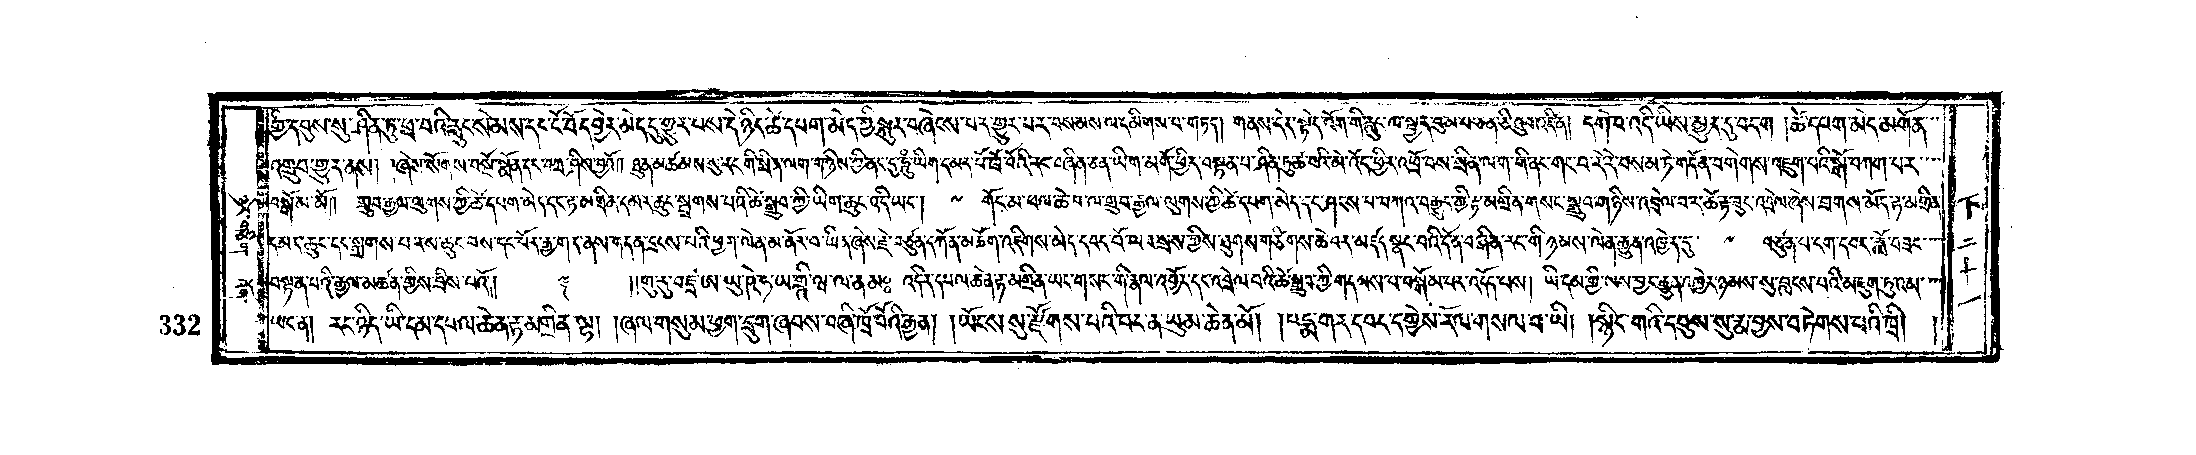གྱི་དབུས་སུ་ཤིན་ཏུ་ཕྲ་བའི་རླུང་སེམས་དང་ངོ་བོ་དབྱེར་མེད་དུ་གྱུར་པས་དེ་ཉིད་ཚེ་དཔག་མེད་ཀྱི་སྐུར་བཞེངས་པར་གྱུར་པར་བསམས་ལ་དམིགས་པ་གཏད། གནས་དེར་སྟེང་འོག་གི་རླུང་ལ་སྦྱར་བུམ་པ་ཅན་ཅི་ཐུབ་འཛིན། དགེ་བ་འདི་ཡིས་མྱུར་དུ་བདག །ཚེ་དཔག་མེད་མགོན་
འགྲུབ་གྱུར་ནས། །ཞེས་སོགས་བསྔོ་སྨོན་དང་བཀྲ་ཤིས་བྱའོ།། ཐུན་མཚམས་སུ་རང་གི་སྲིན་ལག་གཉིས་ཀྱི་ནང་དུ་ཧཱུཾ་ཡིག་དམར་པོ་ཁྲོ་བོའི་རང་བཞིན་ཅན་ཡིག་མགོ་ཕྱིར་བསྟན་པ་ཤིན་ཏུ་ཚ་བའི་མེ་འོད་ཕྱིར་འཕྲོ་བས་སྲིན་ལག་གི་ནང་གང་བ་རེ་རེ་བསམ་ཏེ་གདོན་བགེགས་འཇུག་པའི་སྒོ་བཀག་པར་
བསྒོམ་མོ། །གྲུབ་རྒྱལ་ལུགས་ཀྱི་ཚེ་དཔག་མེད་དང་རྟ་མགྲིན་དམར་ཆུང་སྦྲགས་པའི་ཚེ་སྒྲུབ་ཀྱི་ཡིག་ཆུང་འདི་ཡང་། ༧་གོང་མ་ཕལ་ཆེ་བ་ལ་གྲུབ་རྒྱལ་ལུགས་ཀྱི་ཚེ་དཔག་མེད་དང་ཤངས་པ་བཀའ་བརྒྱུད་ཀྱི་རྟ་མགྲིན་གསང་སྒྲུབ་གཉིས་འབྲེལ་བར་ཚེ་རྟ་ཟུང་འབྲེལ་ཞེས་གྲགས་མོད་རྟ་མགྲིན་
དམར་ཆུང་དང་སྒྲགས་པ་རས་ཆུང་བས་དང་པོར་རྒྱ་གར་ནས་གདན་དྲངས་པའི་ཕྱག་ལེན་མ་ནོར་བ་ཡིན་ཞེས་རྗེ་བཙུན་དཀོན་མཆོག་འཇིགས་མེད་དབང་པོ་ལ་བསྲས་ཀྱིས་ཐུགས་གཙིགས་ཆེ་བར་མཛད་སྣང་བའི་དོན་བཞིན་རང་གི་ཉམས་ལེན་རྒྱུན་འཁྱེར་དུ ༧་བཙུན་པ་ངག་དབང་བློ་བཟང་
བསྟན་པའི་རྒྱལ་མཚན་གྱིས་བྲིས་པའོ།། །།གུ་རུ་བྫྲ་ཨ་ཡུ་ཥེ་ཧ་ཡ་གྲཱི་ཝ་ལ་ན་མཿ འདིར་དཔལ་ཆེན་རྟ་མགྲིན་ཡང་གསང་གི་རྣལ་འབྱོར་དང་འབྲེལ་བའི་ཚེ་སྒྲུབ་ཀྱི་གདམས་པ་བསྒོམ་པར་འདོད་པས། ཡི་དམ་གྱི་ལས་བྱང་རྒྱུན་འཁྱེར་ཉམས་སུ་བླངས་པའི་མཇུག་ཏུ་འམ་
ཡང་ན། རང་ཉིད་ཡི་དམ་དཔལ་ཆེན་རྟ་མགྲིན་ལྷ། །ཞལ་གསུམ་ཕྱག་དྲུག་ཞབས་བཞི་ཁྲོ་བོའི་རྒྱན། །ཡོངས་སུ་རྫོགས་པའི་བར་ན་ཡུམ་ཆེན་མོ། །པདམ་གར་དབང་དགྱེས་རོལ་གསལ་བ་ཡི། །སྙིང་གའི་དབུས་སུ་རྨ་བྱས་བཏེགས་པའི་ཁྲི། །